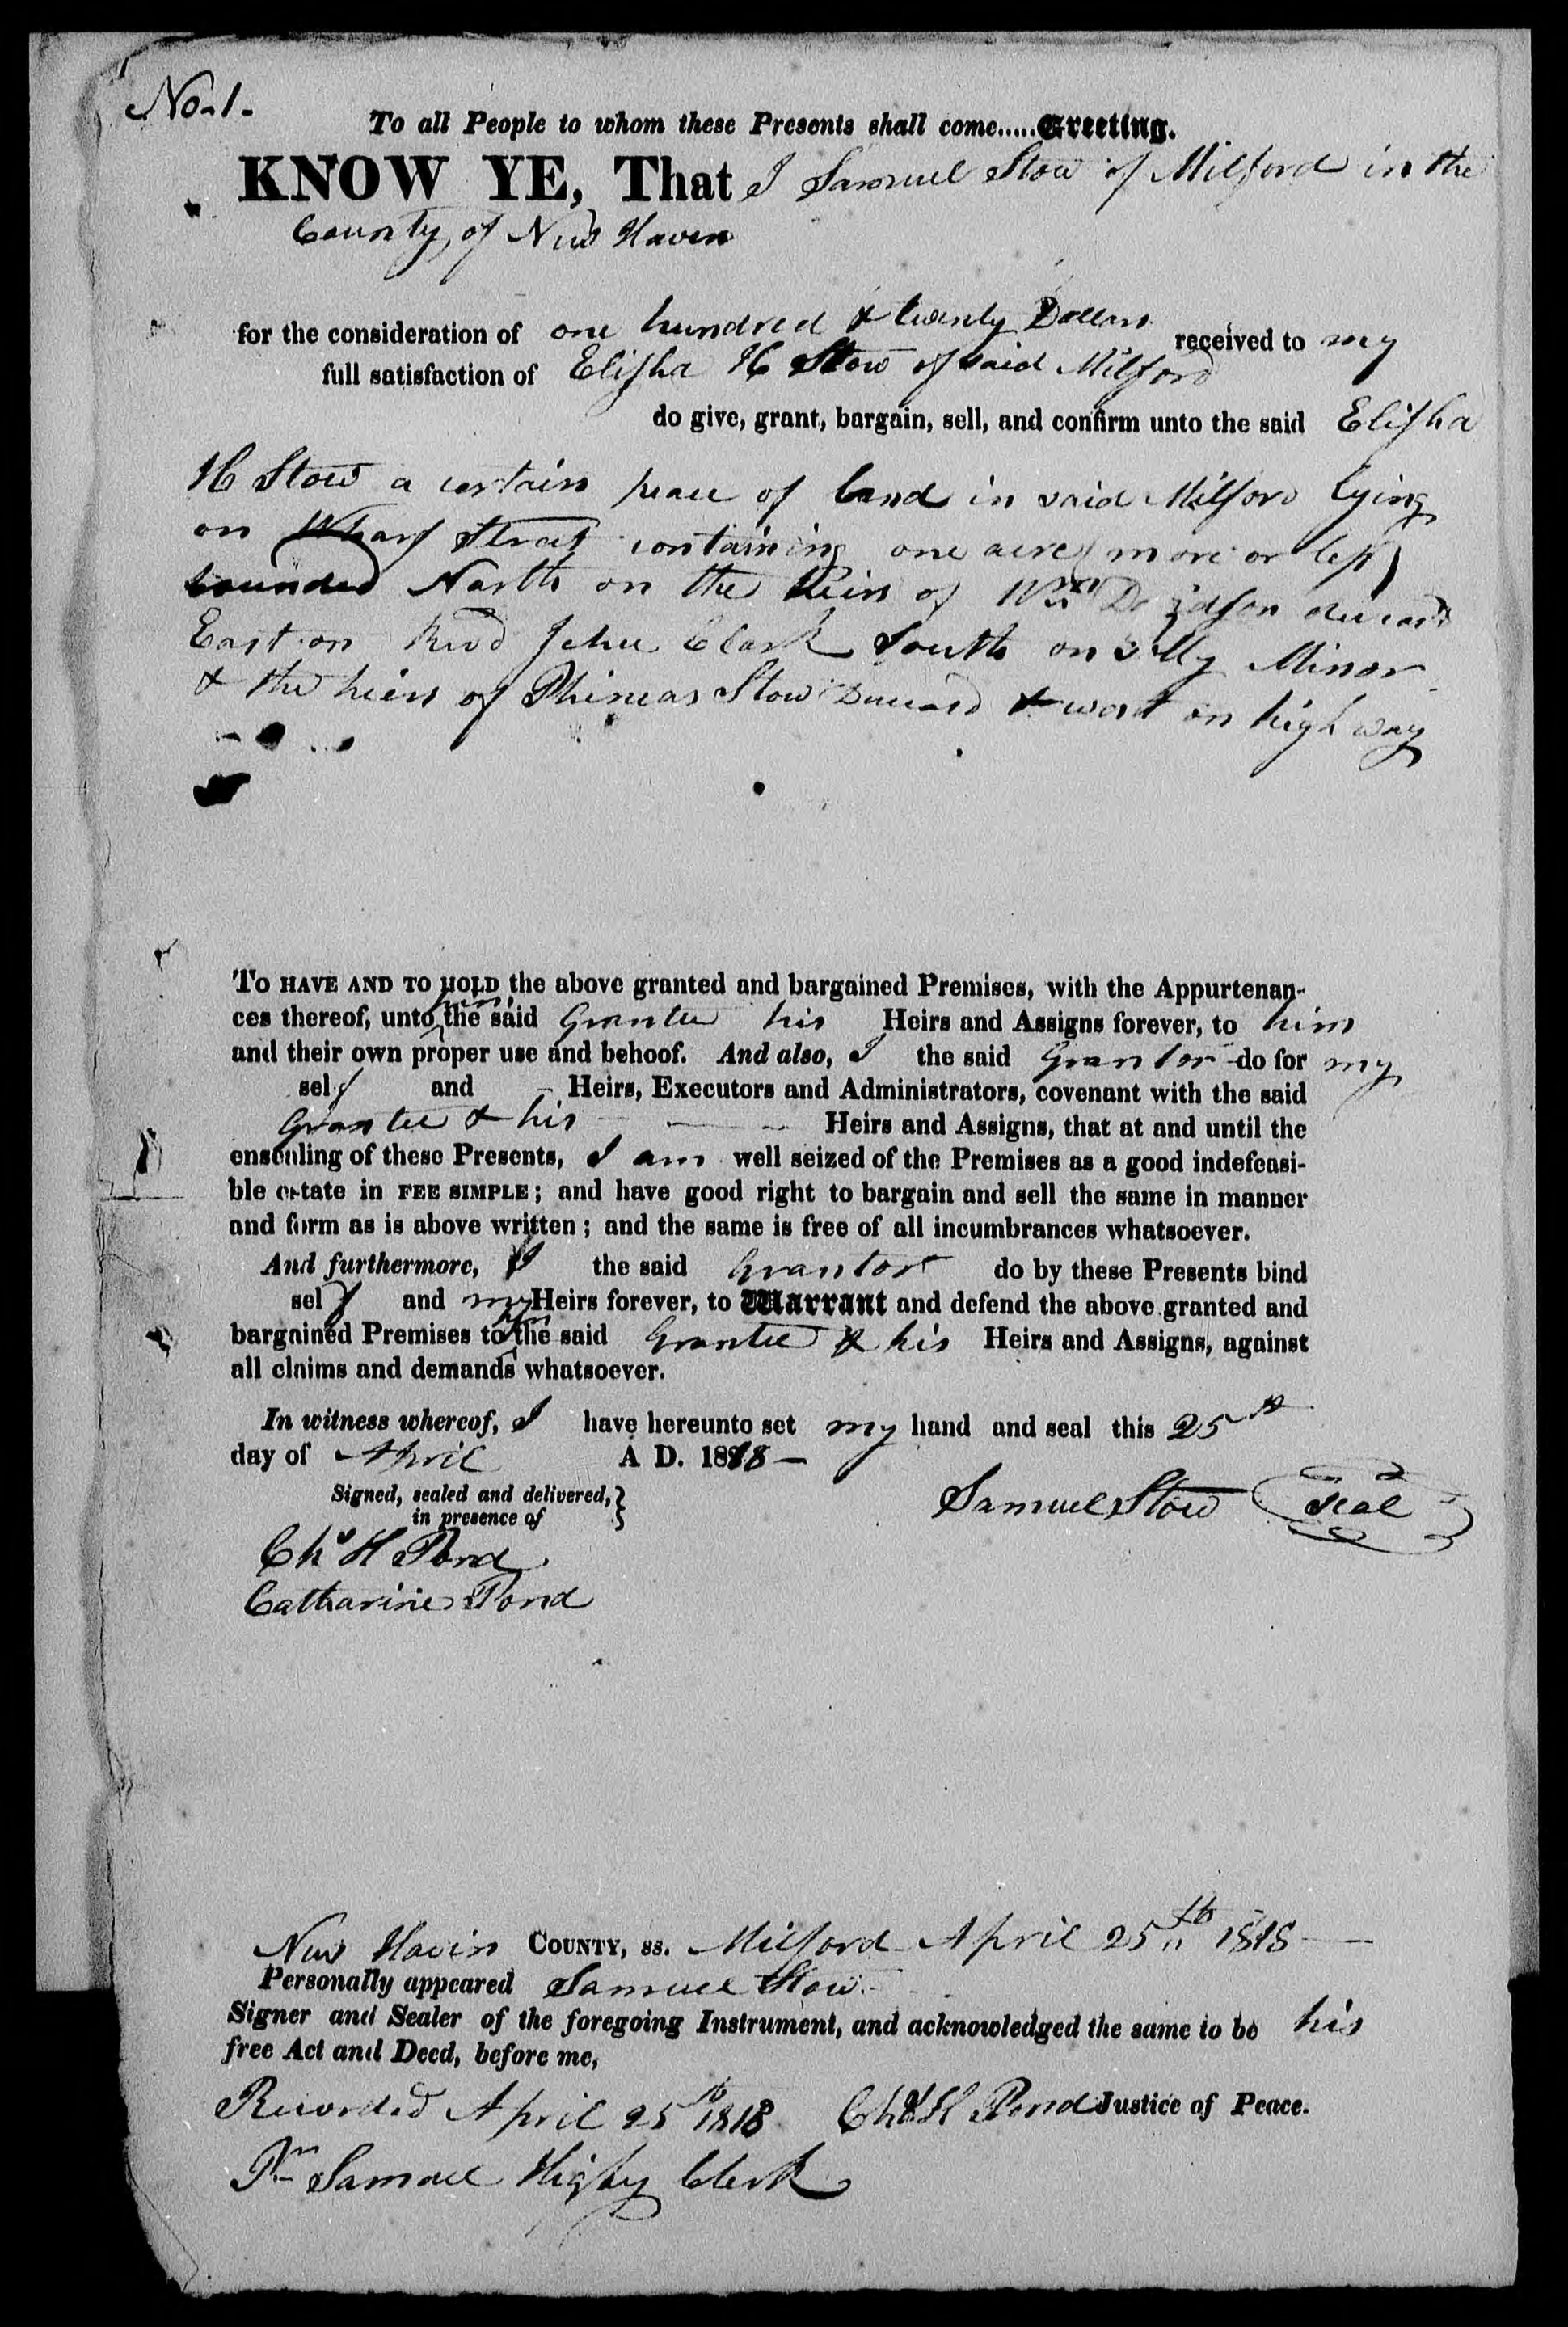No. 1.
To all People to whom these Presents shall come... Greeting.
KNOW YE, That I Samuel Stow of Milford in the
County of New Haven for the consideration of one hundred & twenty Dollars received to my
full satisfaction of Elisha H Stow of said Milford, do give, grant, bargain, sell, and confirm unto the said Elisha H. Stow a certain piece of land in said Milford lying on Wharf
Street containing one acre (more or less)
bounded North on the heirs of Wm Davidson deceased, East on Rev'd. John Clark, South on Solly Minor & the heirs of Phineas Stow, deceased & west on highway
TO HAVE AND TO HOLD the above granted and bargained premises, with the Appurtenances thereof, unto  him, the said Grantee his heirs and Assigns forever, to him
and their own proper use and behoof. And also, I the said Grantor do for myself and
Heirs, Executors and Administrators, covenant with the said Grantee & his Heirs and Assigns, that at and until the ensealing of these Presents, I am well seized of the premises as a good indefeasible estate in FEE SIMPLE: and have good right to bargain and sell the same in manner and form as is above written; and the same is free of all incumbrances whatsoever.
And furthermore I the said Grantor do by these Presents bind self and my heirs forever, to warrant and defend the above granted and
bargained premises to him, the said Grantee & his Heirs and Assigns, against all claims and demands whatsoever.
In witness whereof, I have hereunto set my hand and seal this 25th day of April A. D. 1818
[signed] Samuel Stow (seal)
Signed, Sealed and delivered
in presence of }
C H Pond
Catharine Pond

New Haven COUNTY, SS. Milford April 25th 1818-
Personally appeared Samuel Stow, Signer and Sealer of the foregoing Instrument, and acknowledged the same to be his free Act and Deed, before me,
Recorded April 25 1818 CH Pond Justice of Peace
Samuel Higby Clerk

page: 19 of 42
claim: survivor's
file: S. 36,819, for Samuel Stow, Connecticut